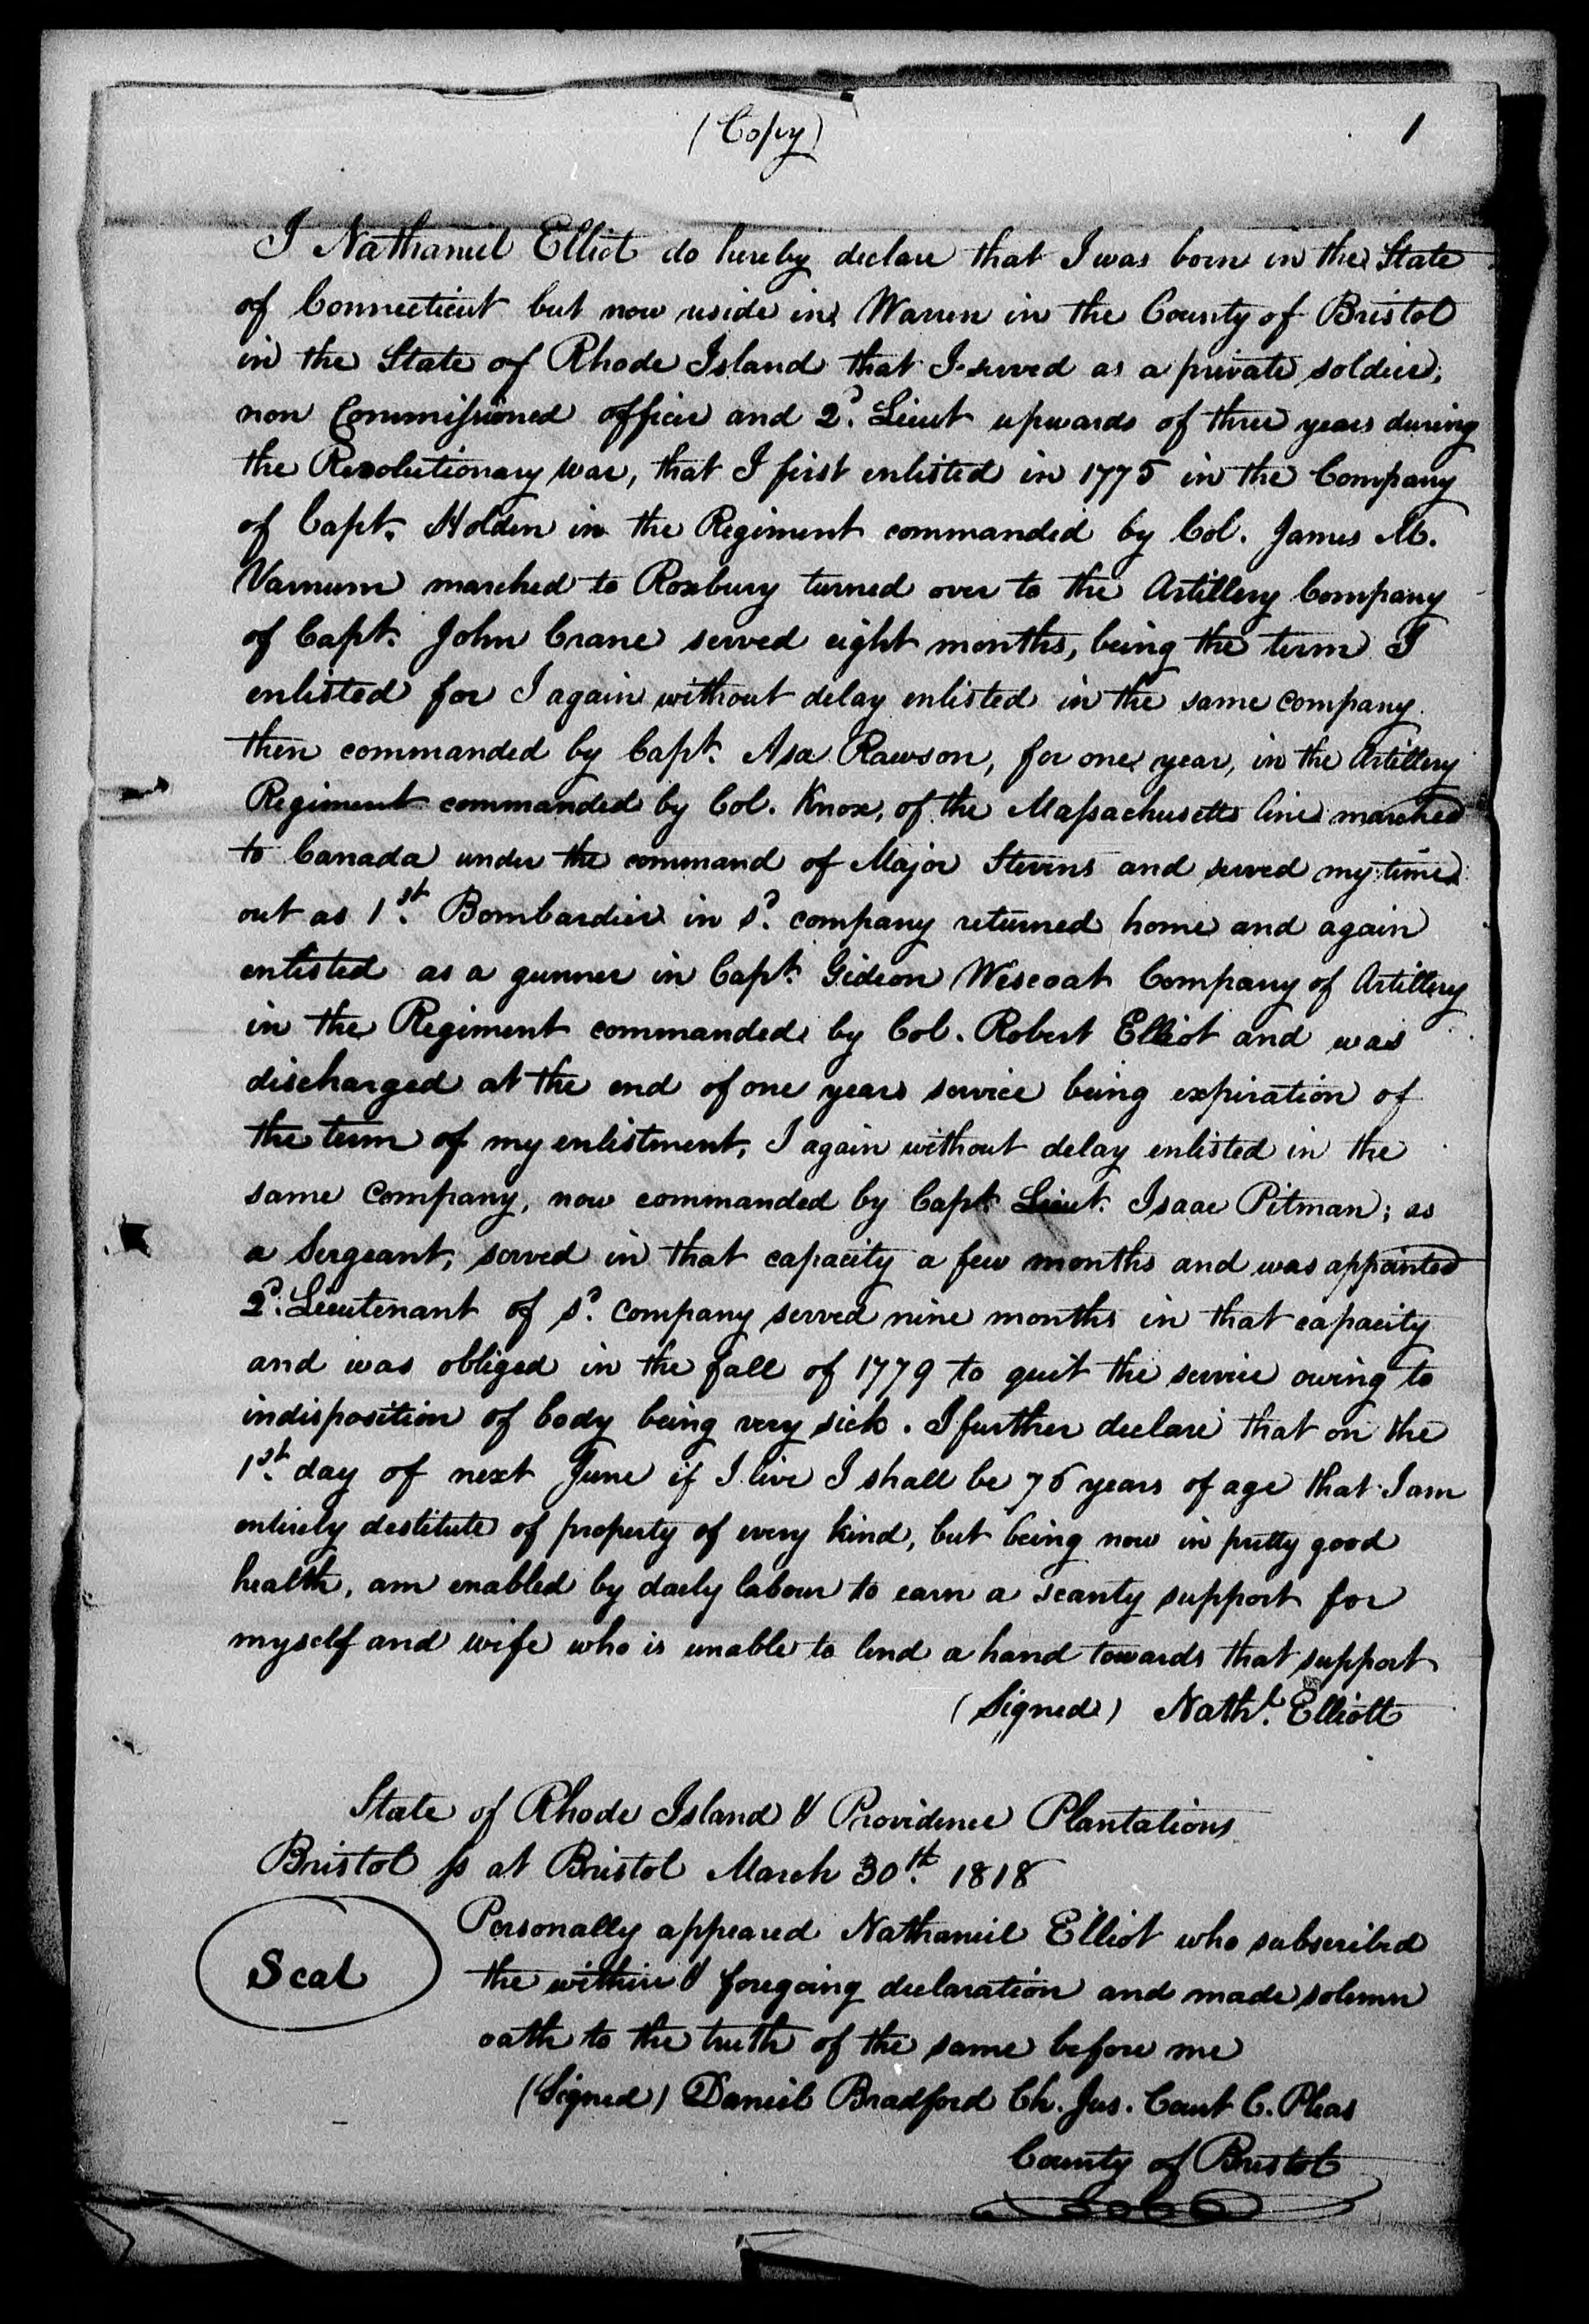(Copy)       1
I Nathaniel Elliot do hereby declare that I was born in the State
of Connecticut but now reside in Warren in the County of Bristol
in the State of Rhode Island that I served as a private soldier,
non commissioned officer and 2d Lieut. upwards of three years during the
Revolutionary war, that I first enlisted in 1775 in the Company
of Capt. Holden in the Regiment commanded by Col. James M.
Varnum marched to Roxbury turned over to the Artillery Company
of Capt. John Crane served eight months, being the term I
enlisted for I again without delay enlisted in the same company
then commanded by Capt. Asa Rawson, for one year, in the Artillery
Regiment commanded by Col. Knox, of the Massachusetts line marched 
to Canada under the command of Major Stevens and served my time
out as 1st Bombardier in sd company returned home and again
enlisted as a gunner in Capt. Gideon Wescoat Company of Artillery
in the Regiment commanded by Col. Robert Elliot and was
discharged at the end of one year’s service being expiration of
the term of my enlistment, I again without delay enlisted in the same
Company, now commanded by Capt. Lieut. Isaac Pitman, as a
Sergeant, served in that capacity a few months and was appointed
2d Lieutenant of sd Company served nine months in that capacity
and was obliged in the fall of 1779 to quit the service owing to
indisposition of body being very sick. I further declare that on the
1st day of next June if I live I shall be 75 years of age that I am
entirely destitute of property of every kind, but being now in pretty good
health, am enabled by daily labour to earn a scanty support for
myself and wife who is unable to lend a hand towards that support
(Signed ) Nath’l. Elliott
State of Rhode Island & Providence Plantations
Bristol Ss at Bristol March 30th 1818
(Seal) Personally appeared Nathaniel Elliot who subscribed
the within & foregoing declaration and made solemn
oath to the truth of the same before me
(Signed ) Daniel Bradford Ch. Jus. Court C. Pleas
County of Bristol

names: Nathl Elliott, Robert Elliot, James M Varnum, Holden, Isaac Pitman, Daniel Bradford, Nathaniel Elliot, Nathaniel Elliot, Asa Rawson, Stevens, Knox, John Crane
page: 3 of 29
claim: survivor's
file: S. 38679, Nathaniel Elliot, Continental R.I.